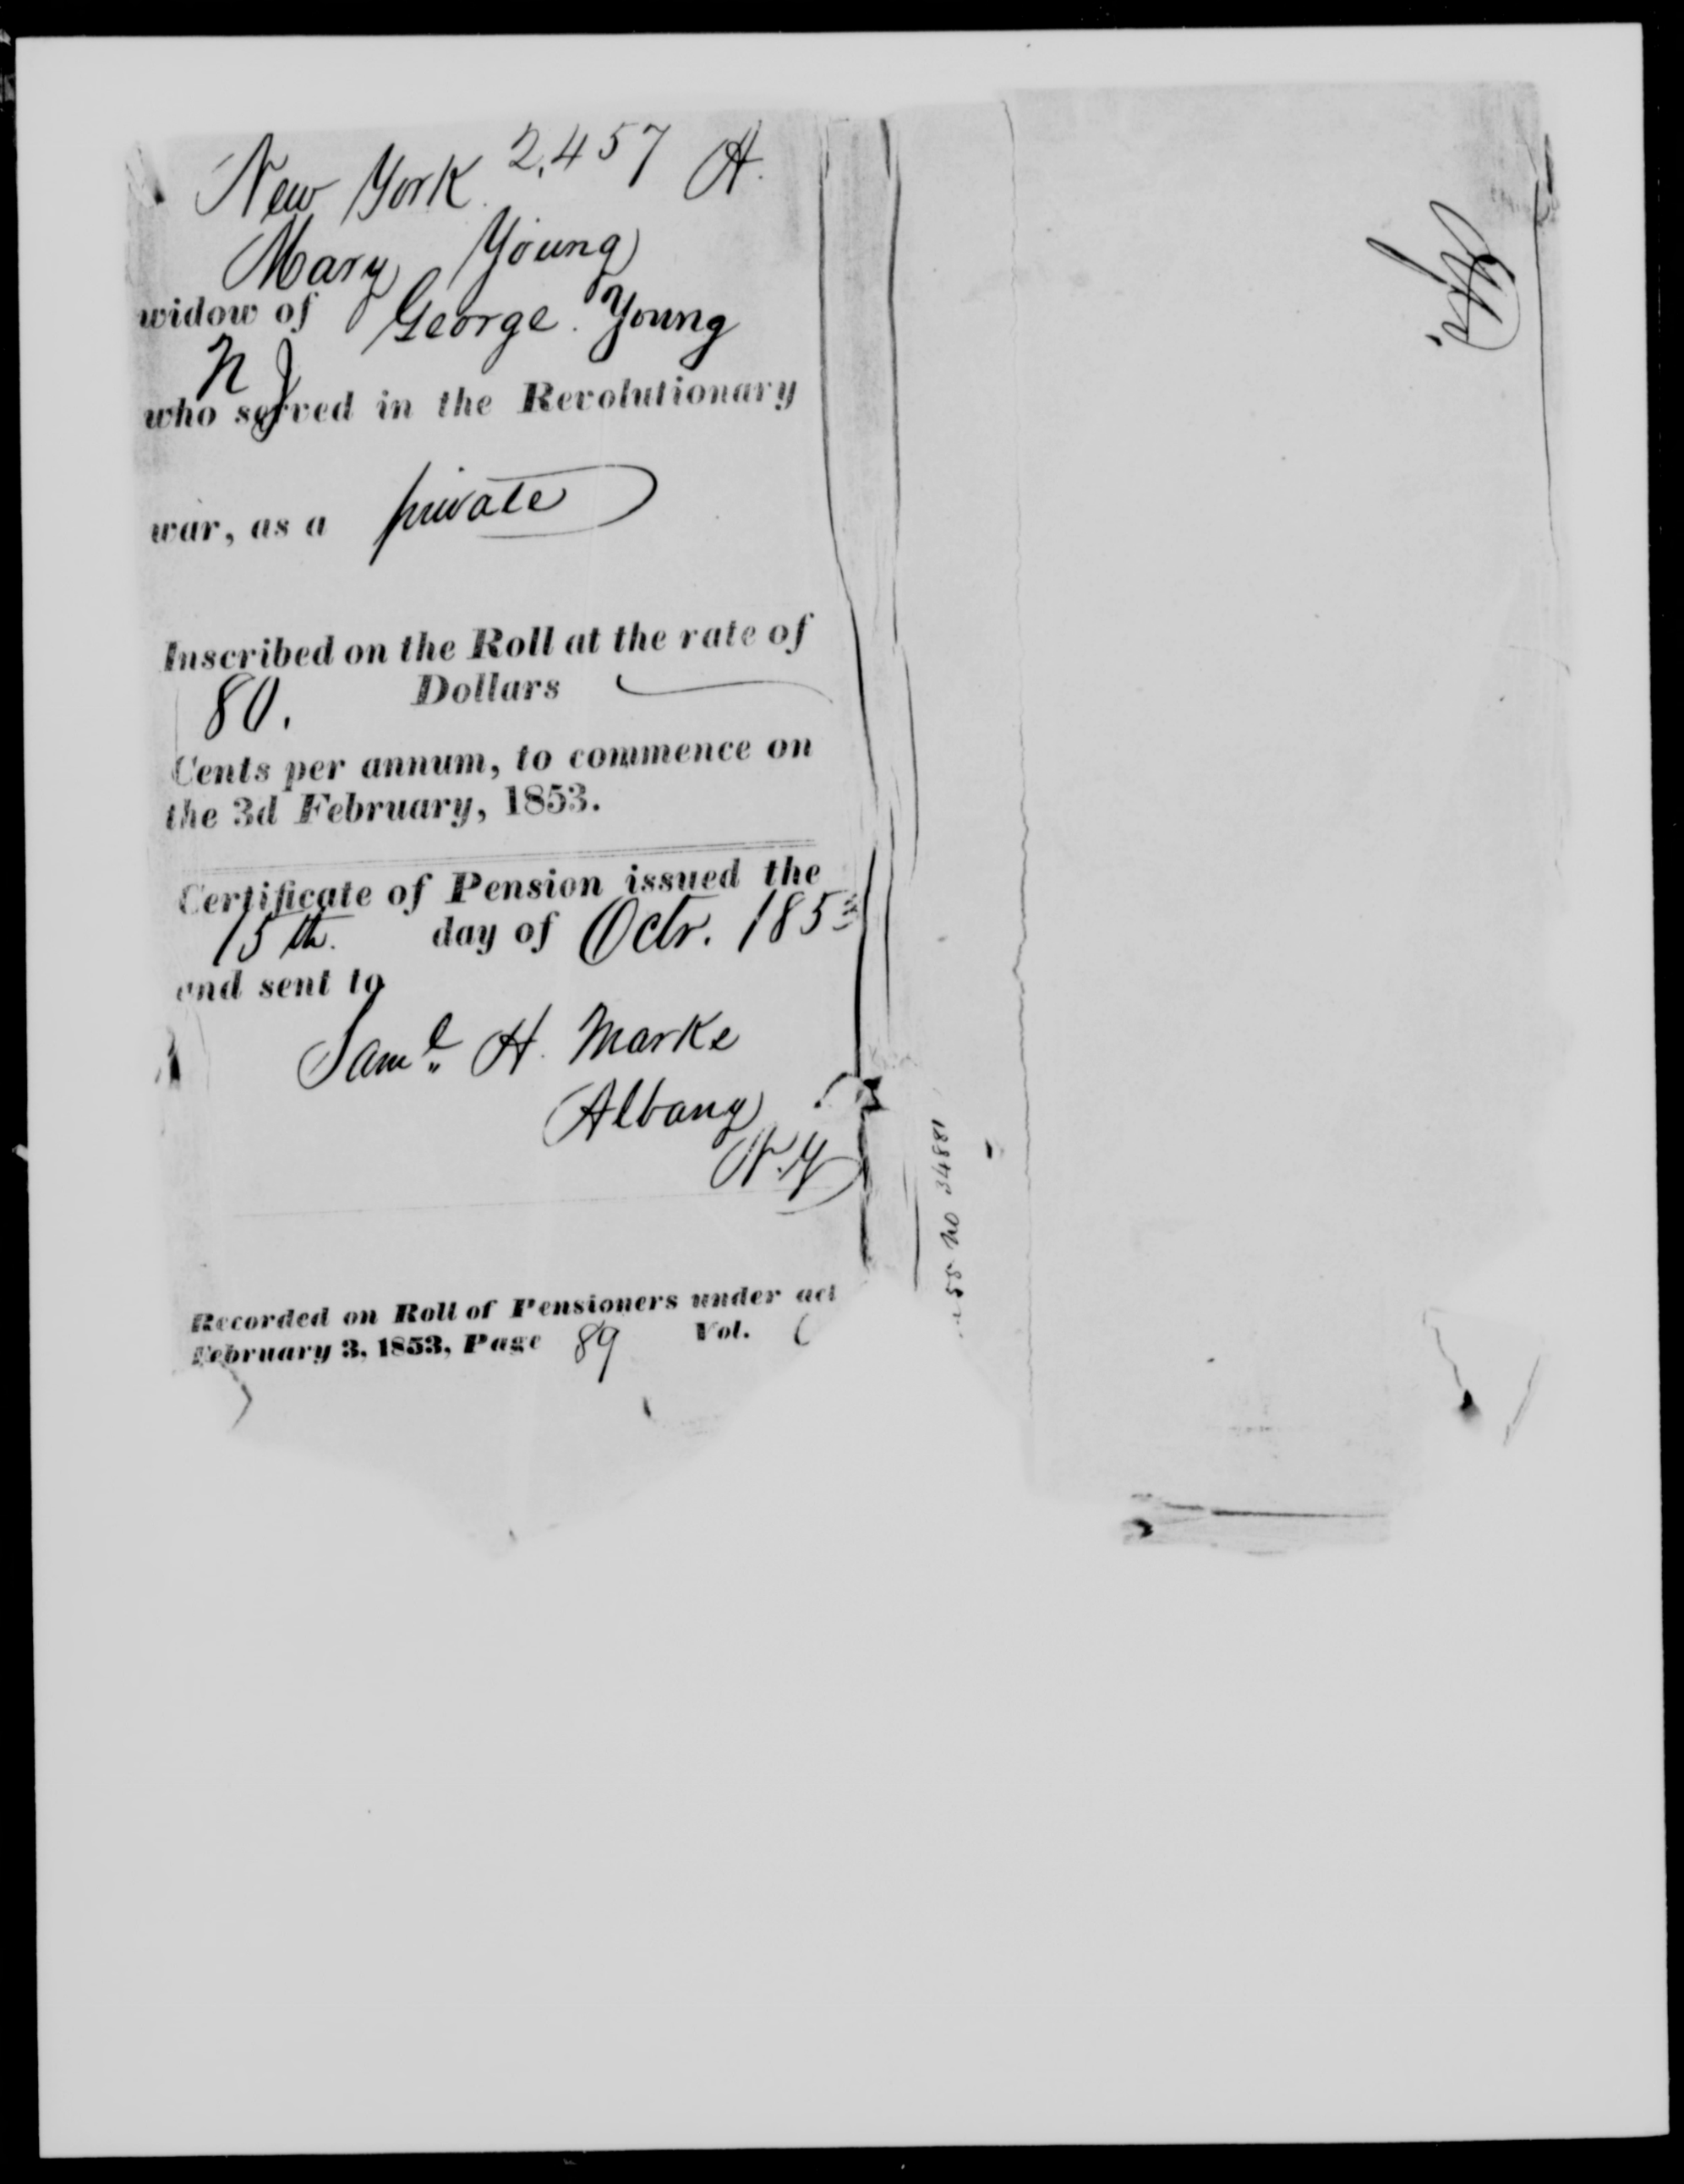New York 2.457 A.
Mary Young
widow of George Young
and in the Revolutionary war
, as a private
Inscribed on the Roll at the rate of
80
Dollars
Cents per annum, to commence on
the 3d February, 1853.
Certificate of Pension issued the
15th.
day of Oct. 1853
and sent to
Saml H. Marks
Albany NY
Recorded on Roll of Pensioners under a
ruary, 1853, Page 89 Fol.
of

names: George Young, Mary Young, Saml H Harks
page: 11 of 67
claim: widow's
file: W. 7379, George Young, New Jersey